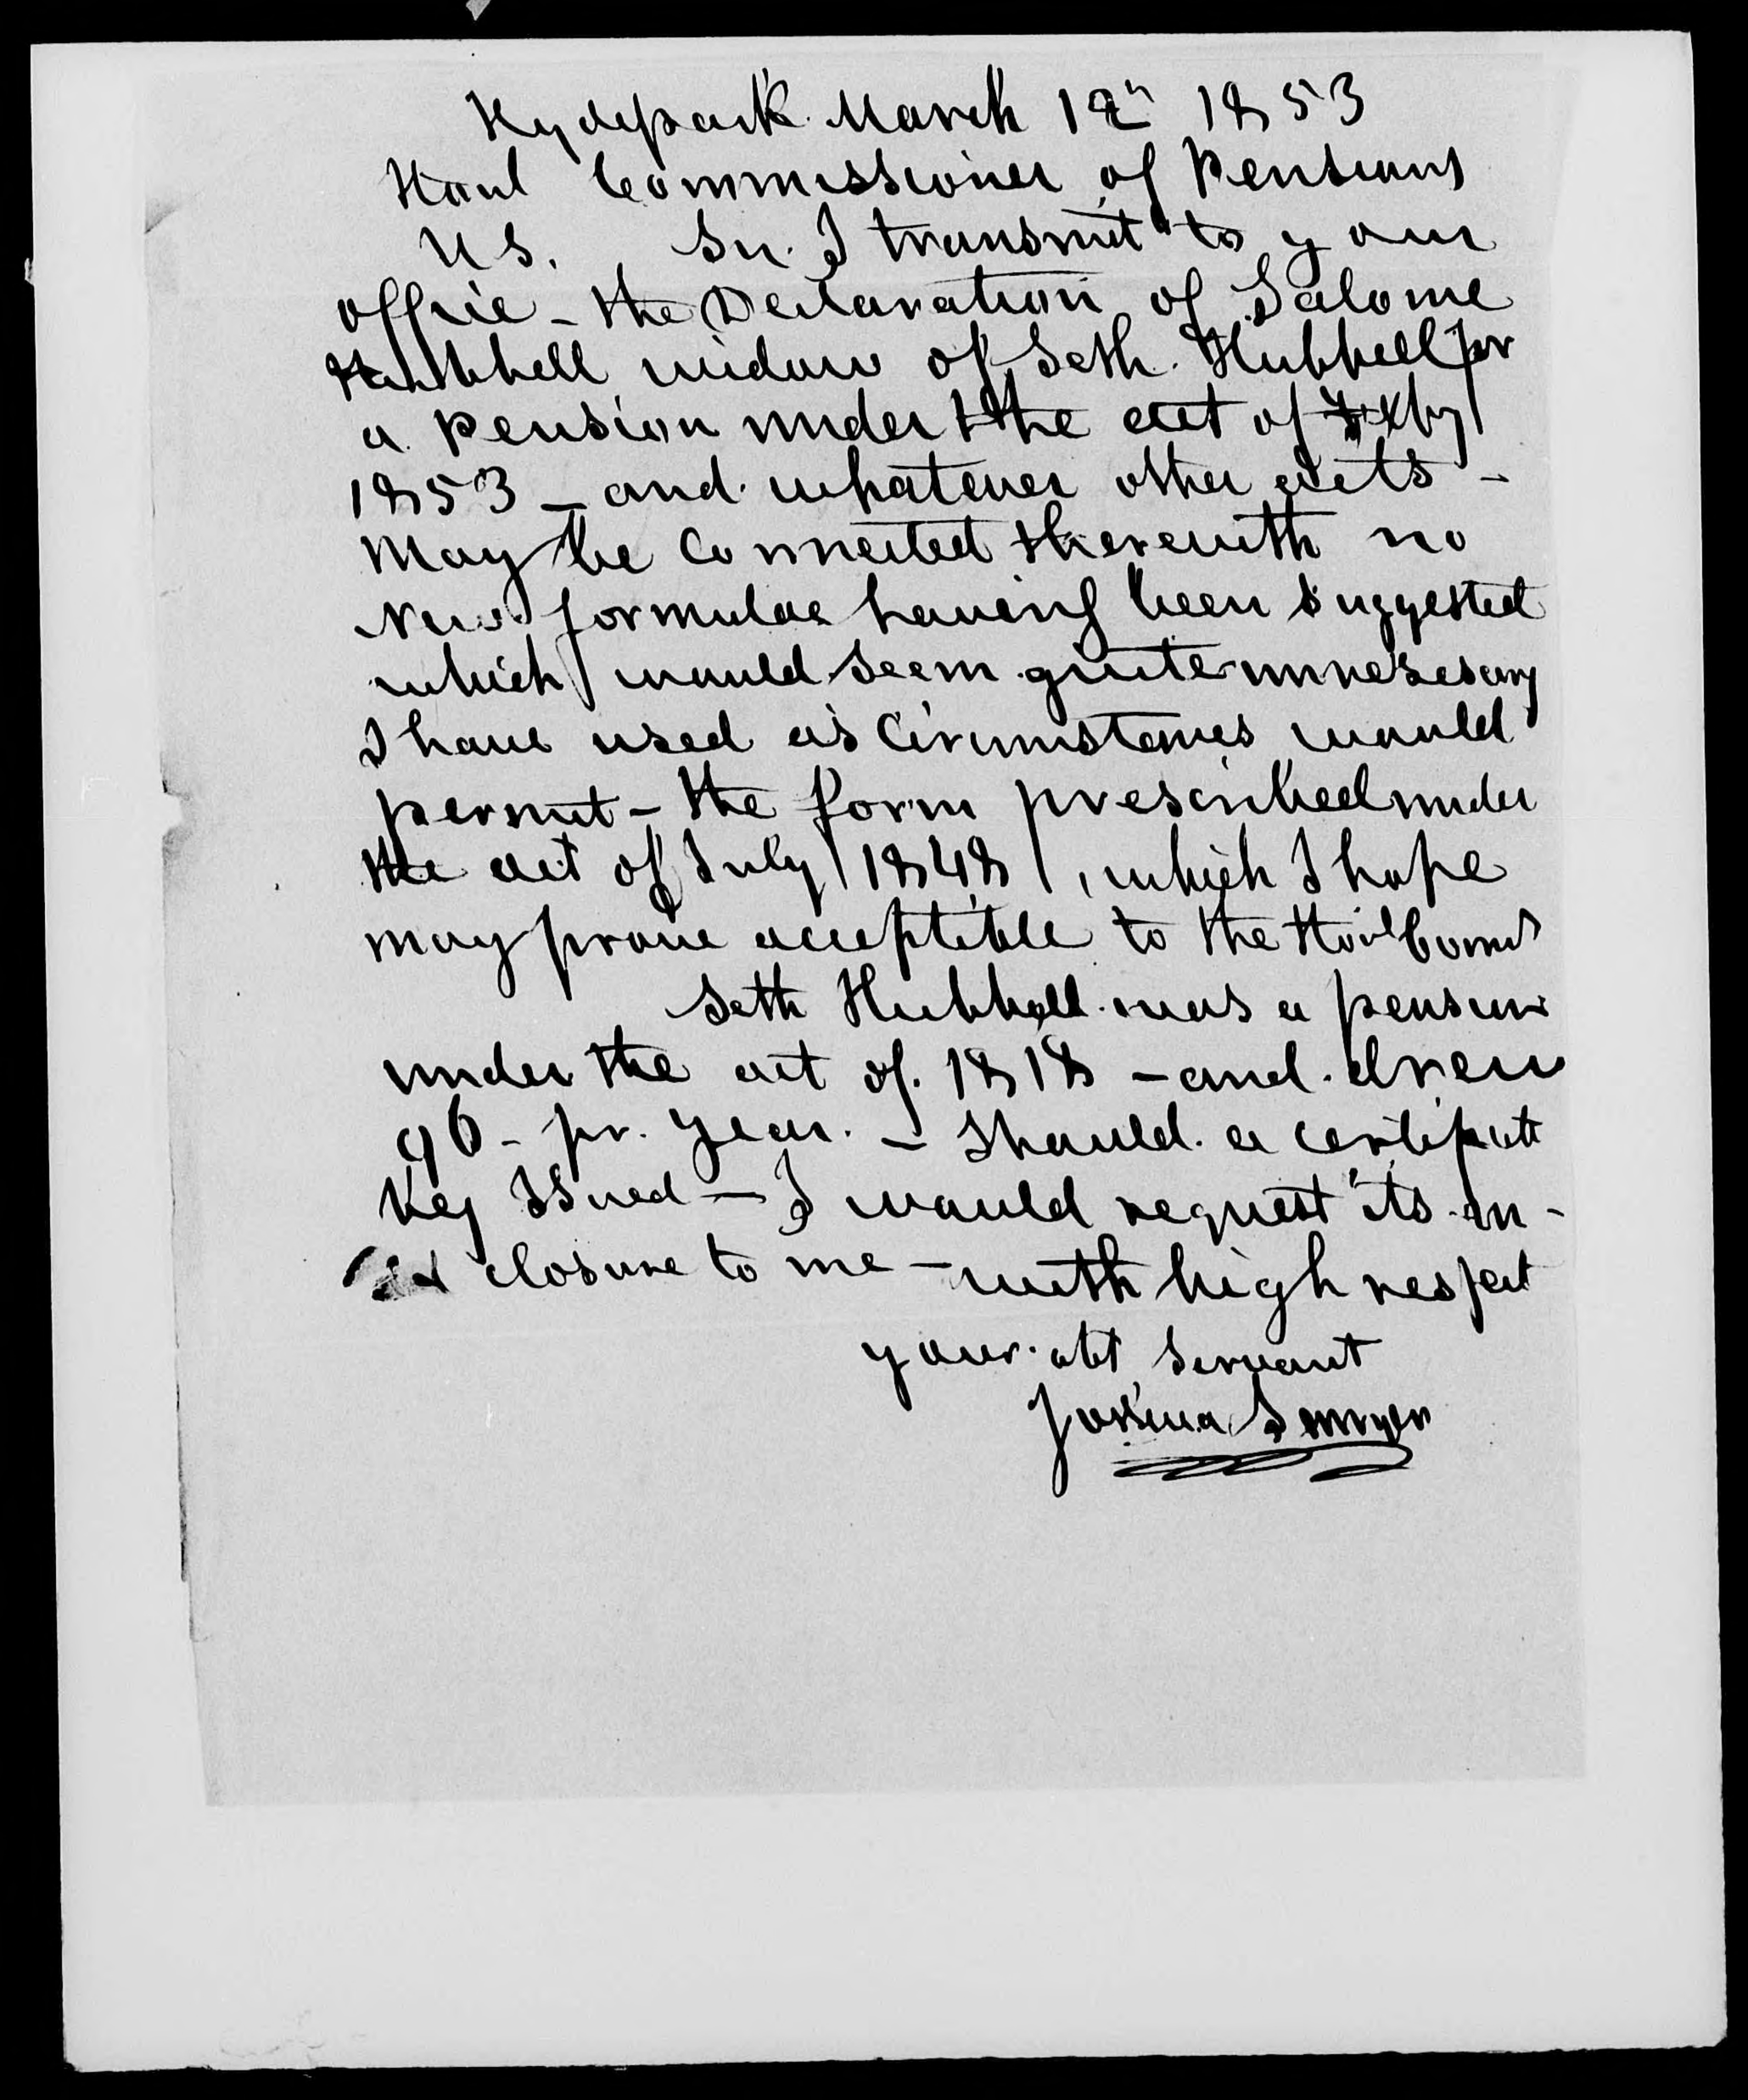Hydepark March 12h 1853
Honl Commissioner of Pensions U.S. [illegible] I transmit to your office _ the Declaration of Salome Hubbell widow of Seth Hubbell for a pension under the out act of [illegible] 1853 _ and whatever other acts may be connected therewith no new formula having been suggested which would seem quite unnesesary [sic] I have used as circumstances would permit - the form prescribed under the act of July 1848, which I hope may prove acceptible [sic] to the Honl Comis
Seth Hubbell was a pension under the act of 1818 - and [illegible] 96 per year - should a certificate [illegible] issued _ I would request its [illegible] closure to me - with high respect
Your [illegible] servant
Joshua Sawyer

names: Salome Hubbell, Joshua Sawyer, Seth Hubbell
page: 77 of 114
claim: widow's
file: W. 2115, Seth Hubbell, Conn.